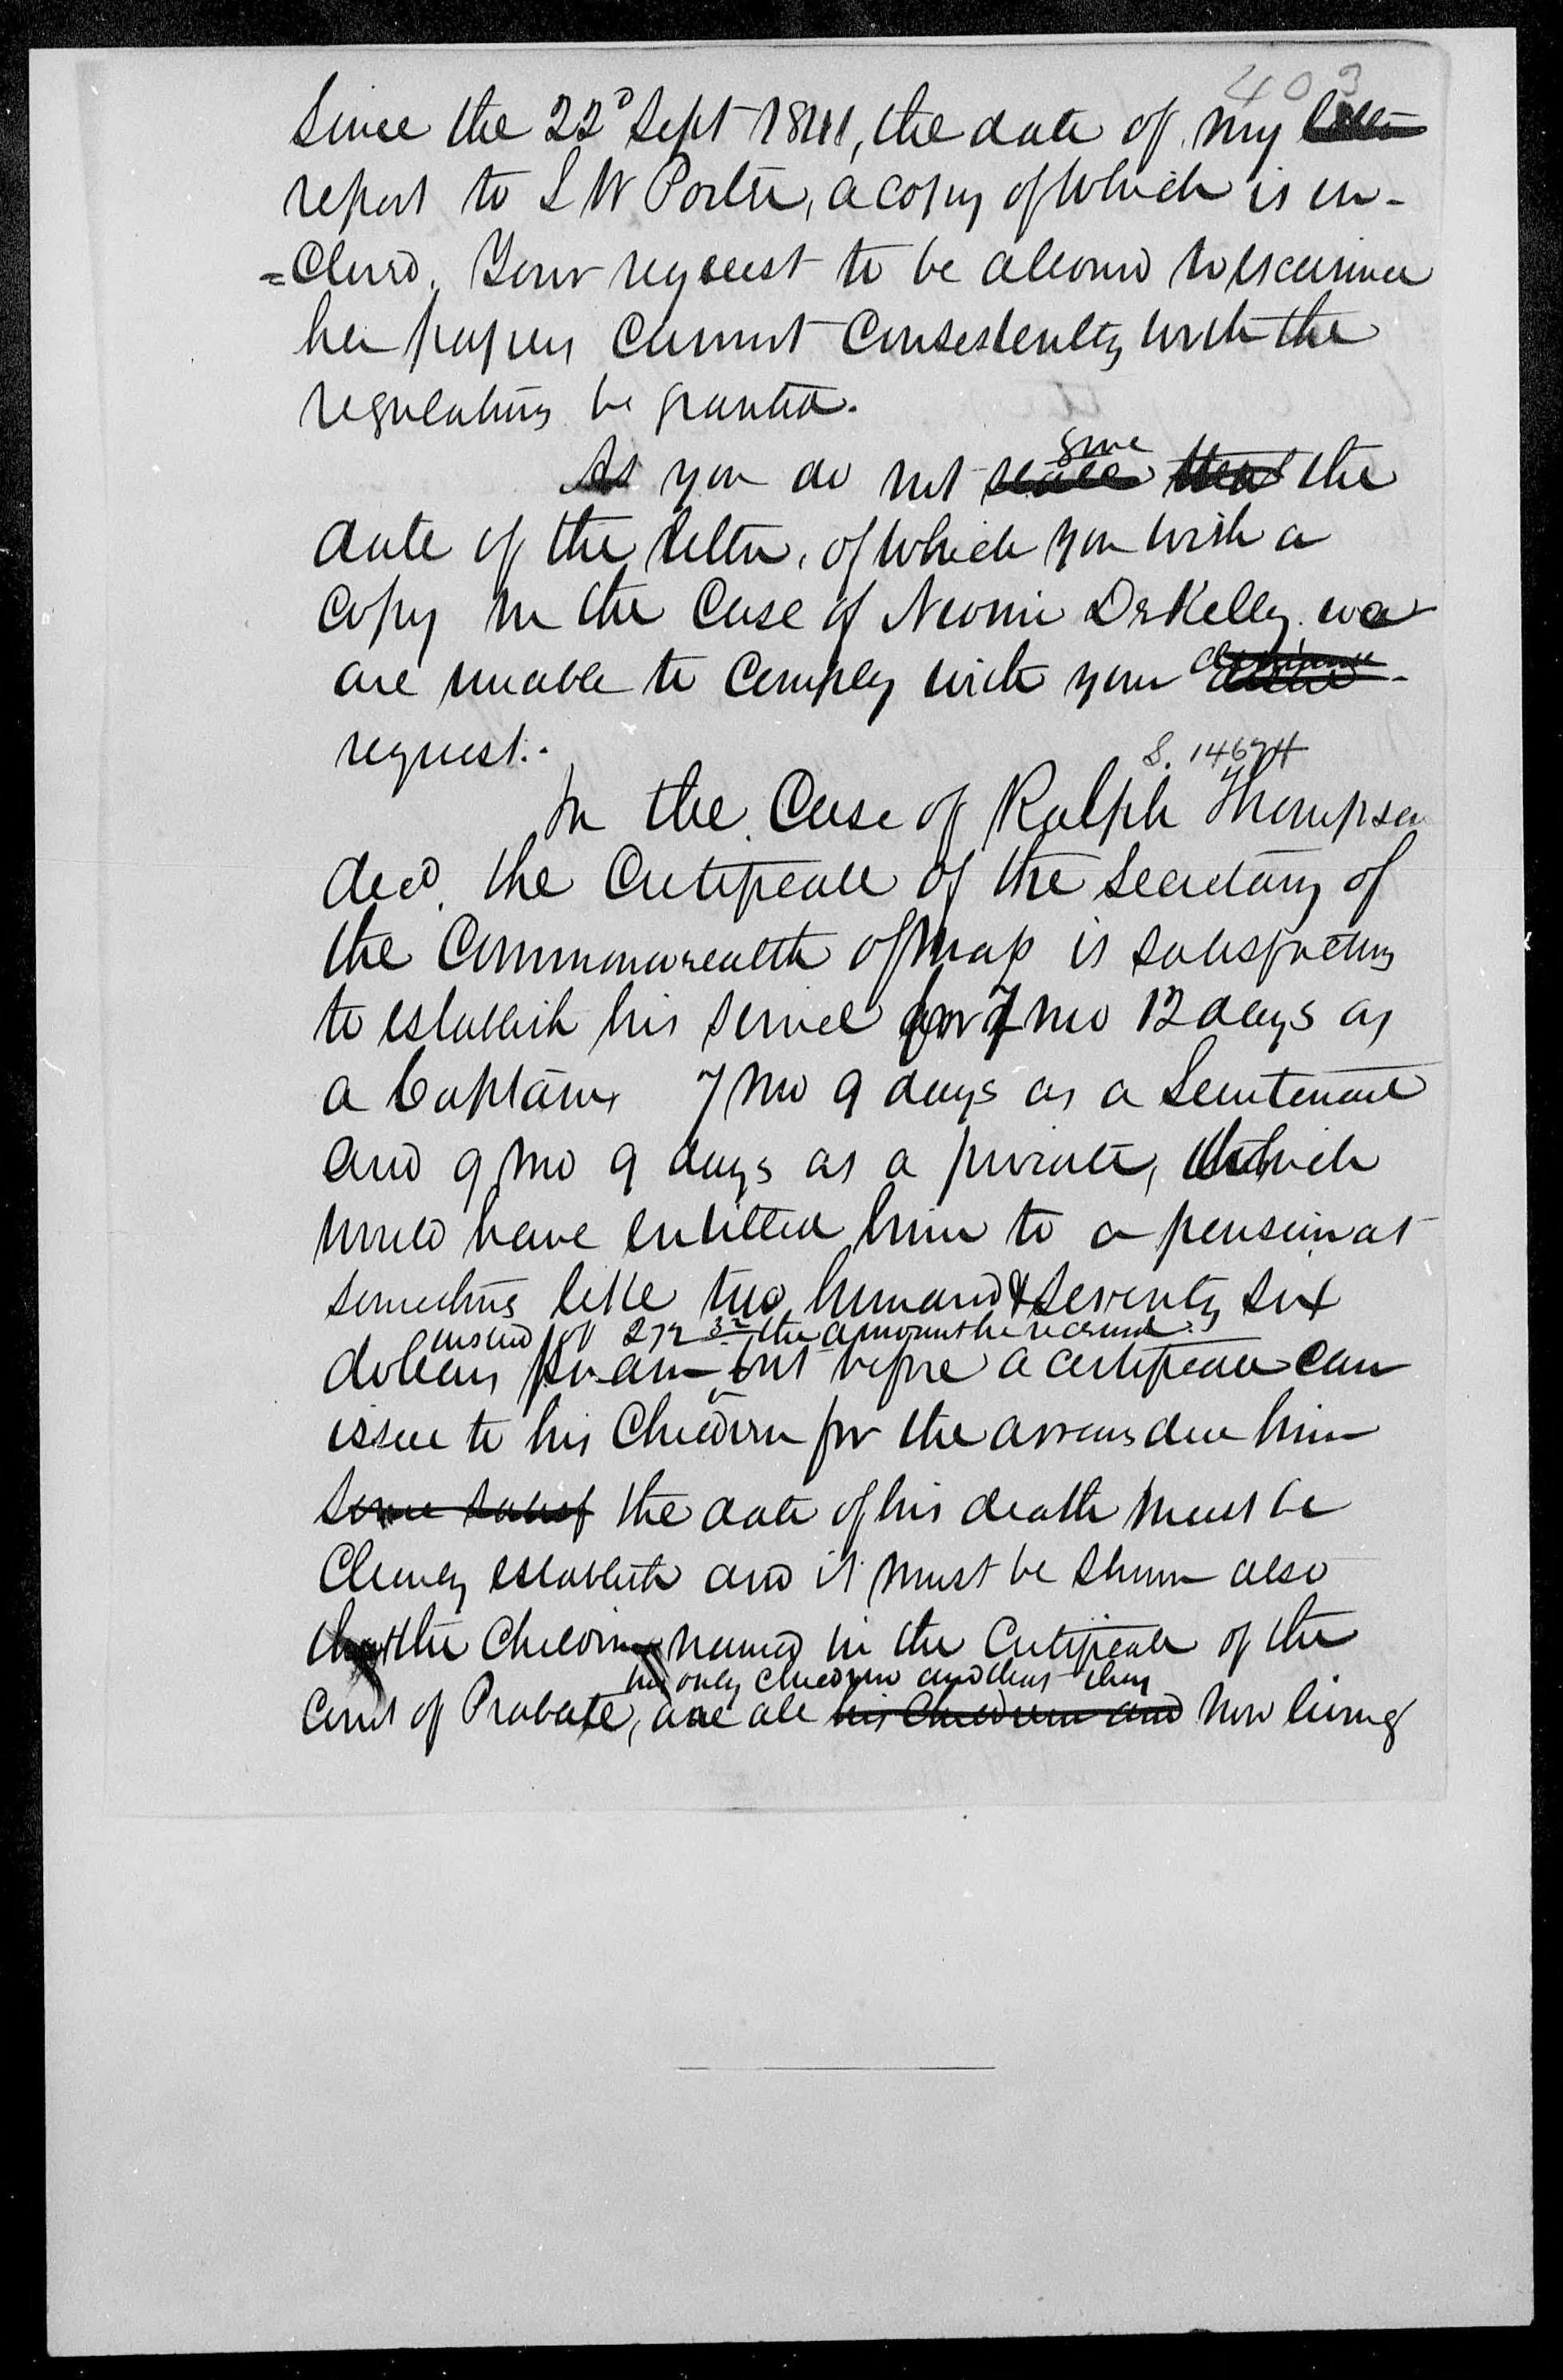Since the 22d Sept 1828 the date of my report to SW Porter a copy of which is enclosed, your request to be allowed to examined her papers current consistently with the regulations be presented. 
So you do not save the date of the letter of which you wish a copy in the case of Noemi De Kelley was are unable to comply with your request.
In the case of Ralph Thompson S.14674 dec.d the certified of the secretary of the commonwealth of Mass is salisperting to establish his service for 7 mos 12 days as a captain 7 mos 9 days as a lietenant and 9 mo 9 days as a private which ...have entitle him to a pension at something ... two hundred & seventy six dollars per an... the amount he recorded before a certificate can issue to his children for the arreas due him the date of his death must be clearly established and it must be shown also the ... named in the certificate of the court of Probate are all now living.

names: Ralph Thompson, S W Porter, Neomi De Kelly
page: 31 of 42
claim: rejected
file: R. 2,625, Benjamin Dake, R.I.